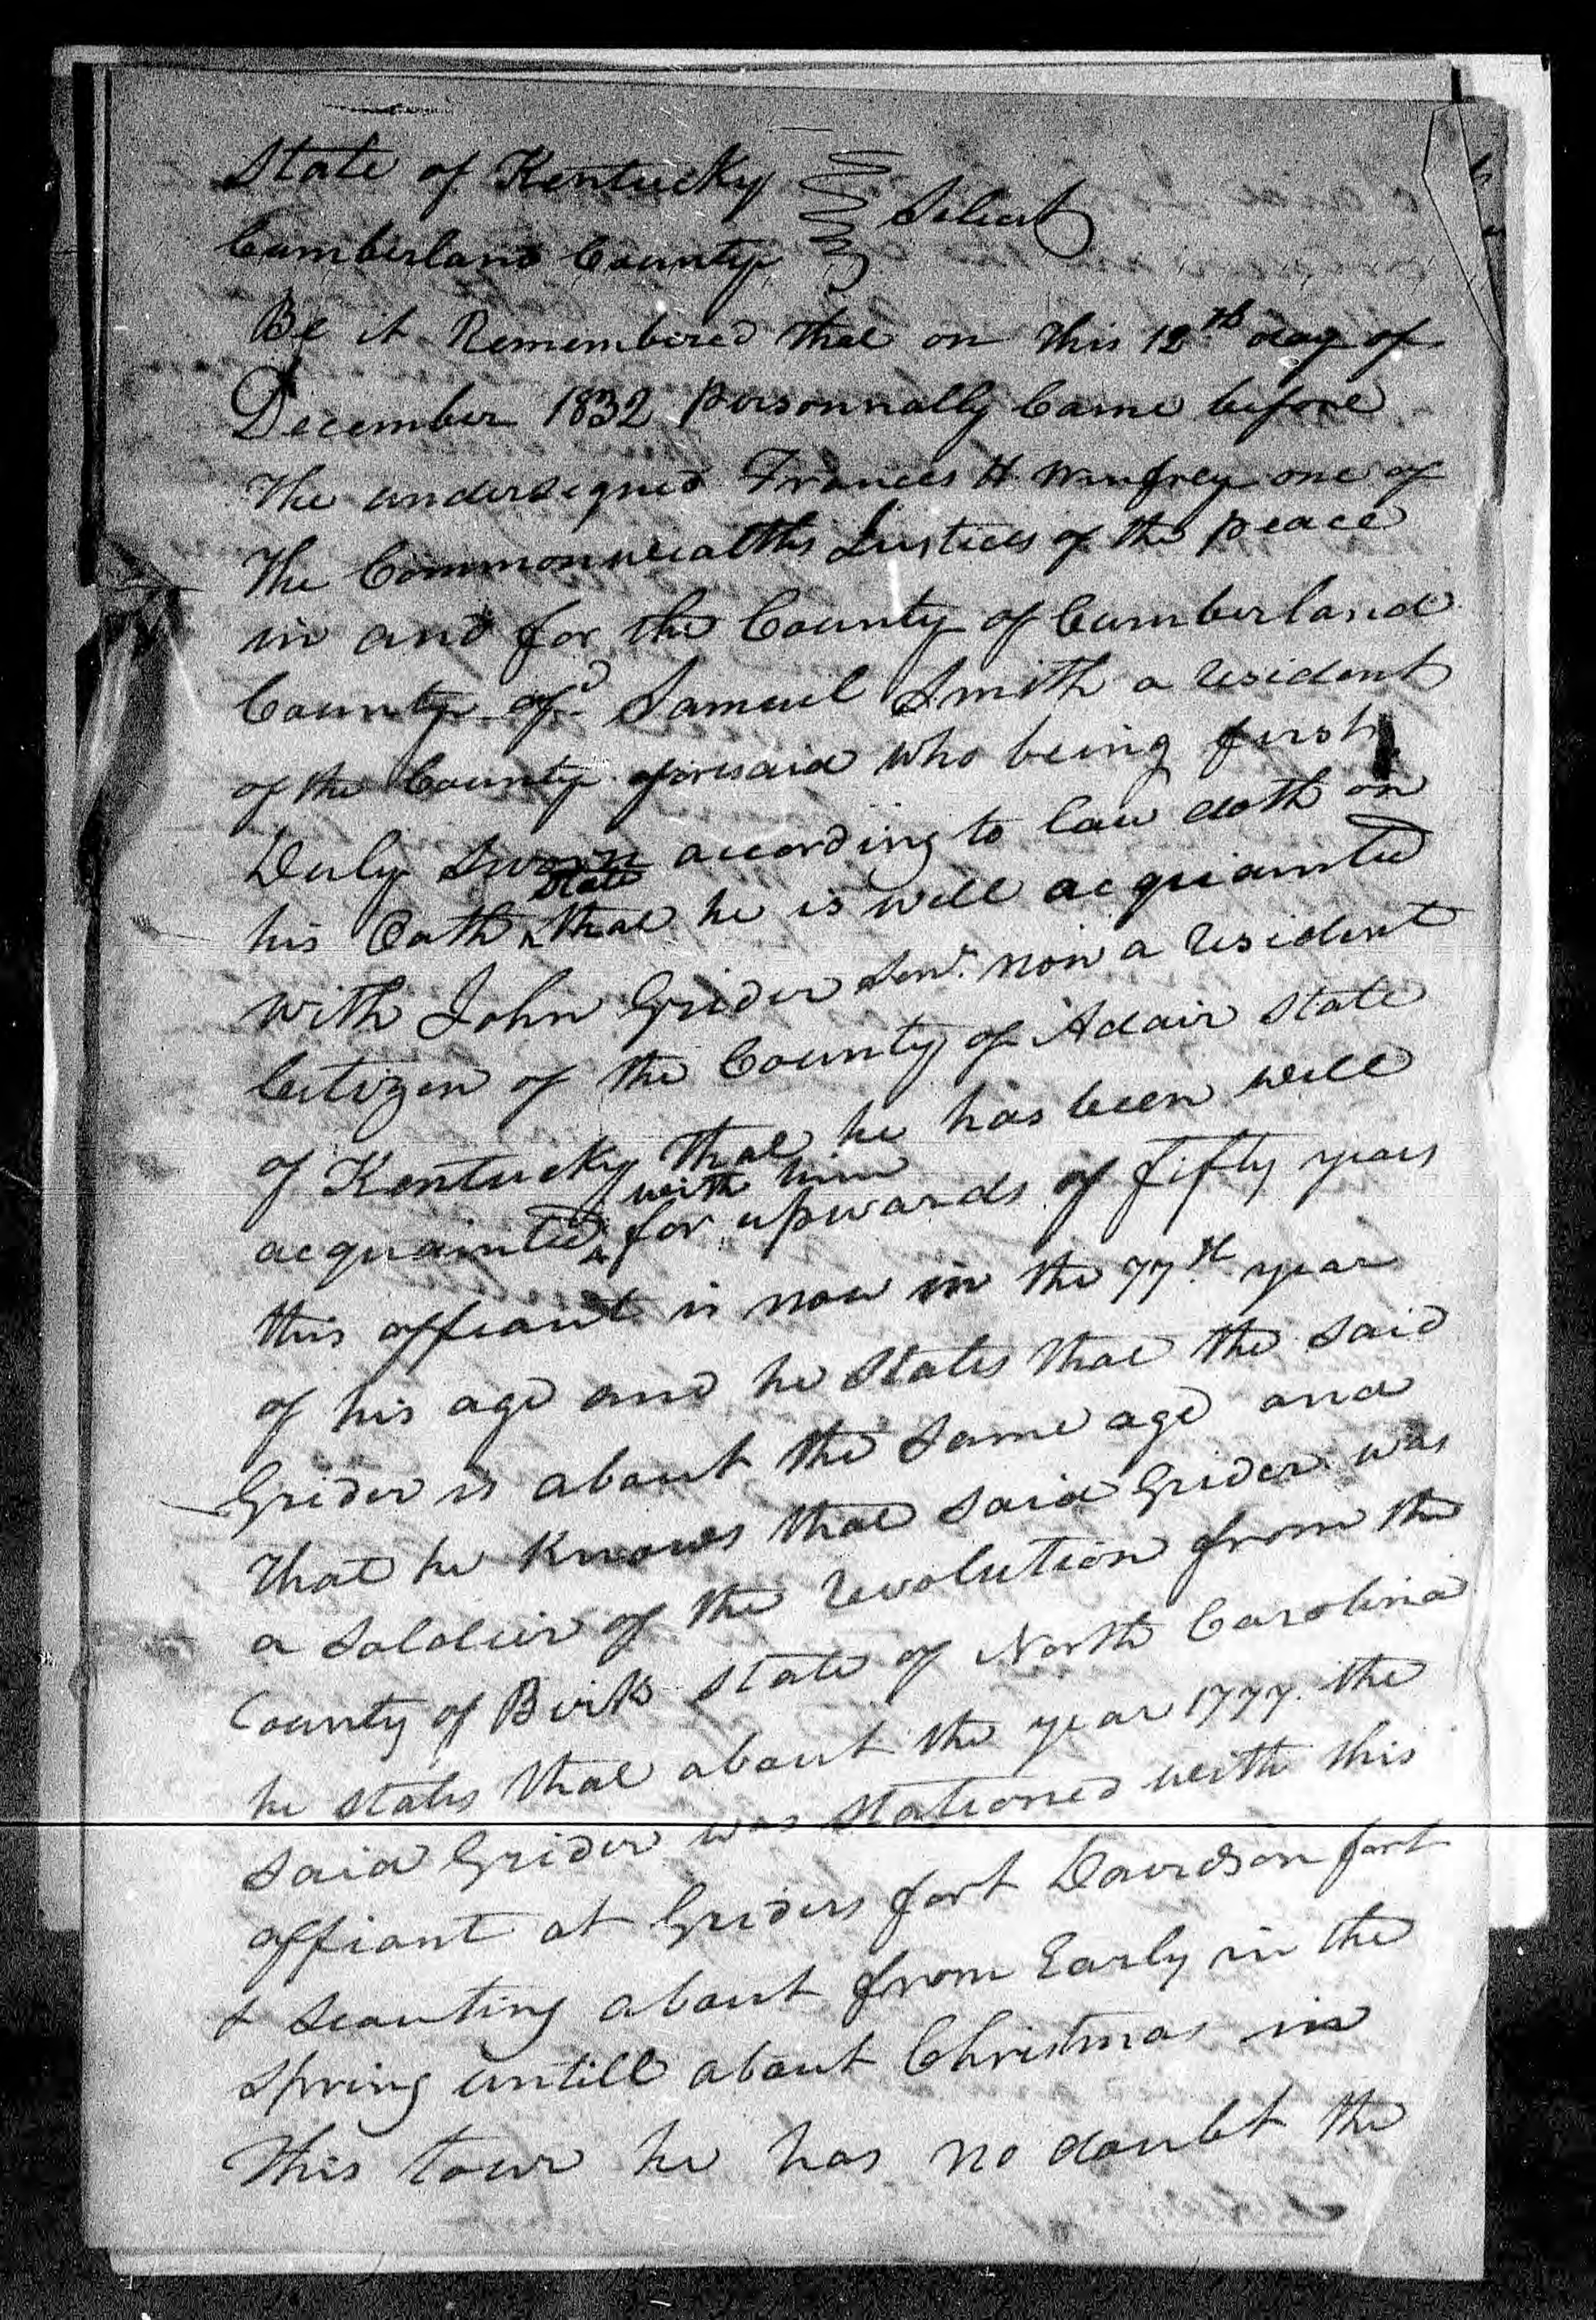State of Kentucky 
Cumberland County  }  [illegible]

Be it remembered that on this 12th day of December 1932 personally came before the undersigned Frances H. Winfrey one of the Commonwealth Justices of the peace in and for the County of Cumberland County [illegible] Samuel Smith a resident of the county aforesaid who being first duly sworn according to law doth on his oath state that he is well acquainted with John Grider [illegible] now a resident citizen of the county of Adair State of Kentucky  that he has been well acquainted with him for upwards of fifty years this affiant is now in the 77th year of his age and he states that the said Grider is about the same age and that he knows that said Grider was a soldier of the revolution from the county of Birks State of North Carolina he states that about the year 1777 the said Grider was [illegible] with this affiant at Griders fort Davidson fort  and scouting about from early in the spring untill [until] about Christmas in  This tour he has no doubt the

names: Frances H Winfrey, John Grider, Grider, Grider, Samuel Smith, Grider, Grider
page: 84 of 91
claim: widow's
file: W 358, John Grider, N.C.